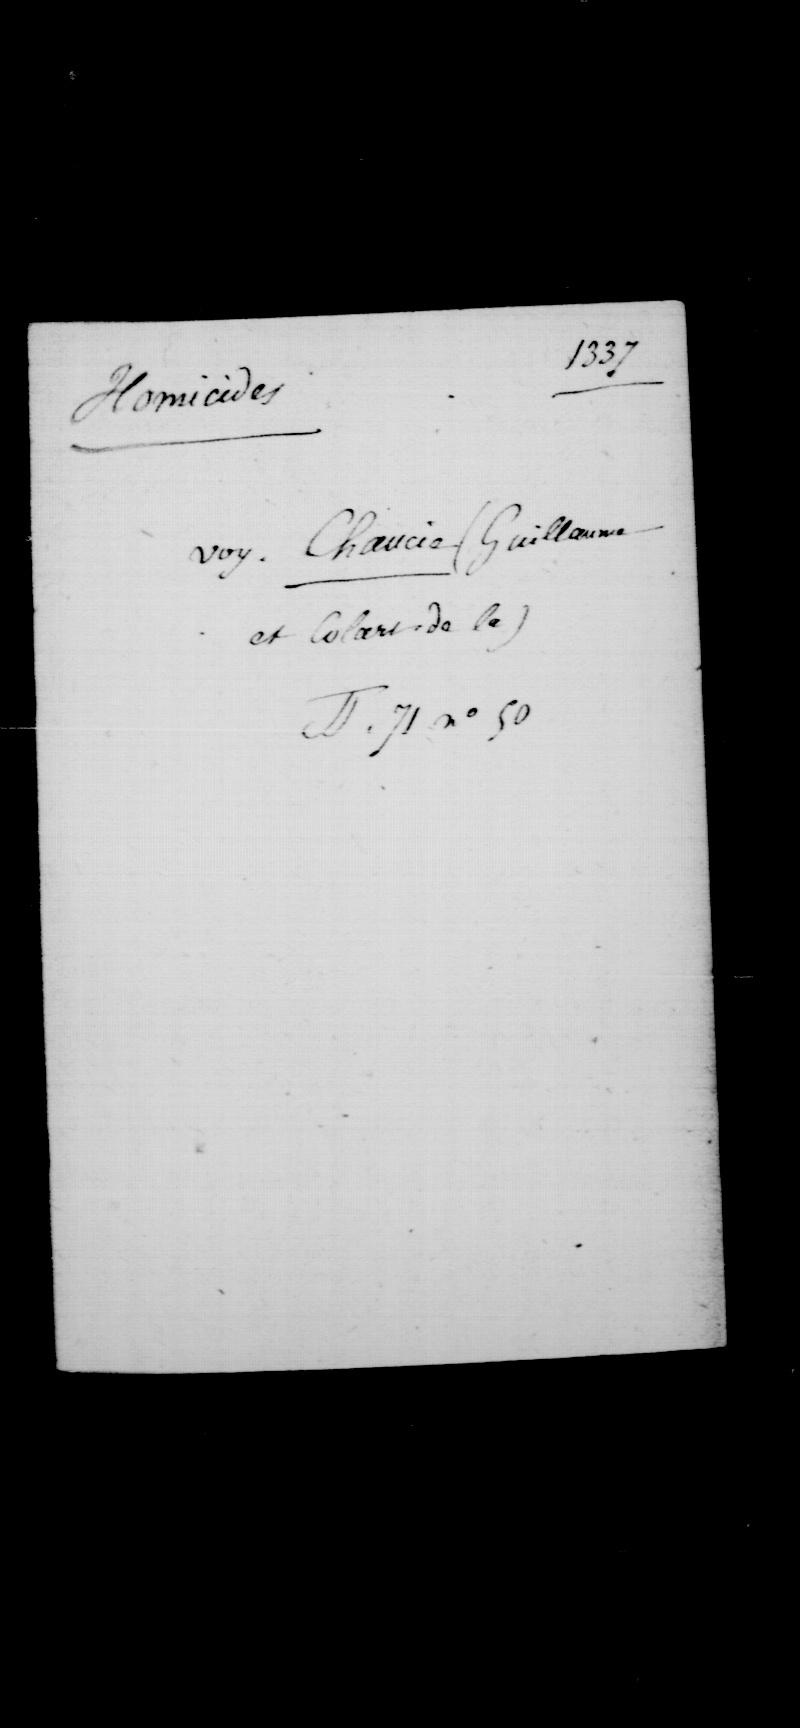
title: Homicides
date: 1337
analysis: Voir Chaucie (Guillaume et Colart de la)
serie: JJ
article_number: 71
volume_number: n° 50
